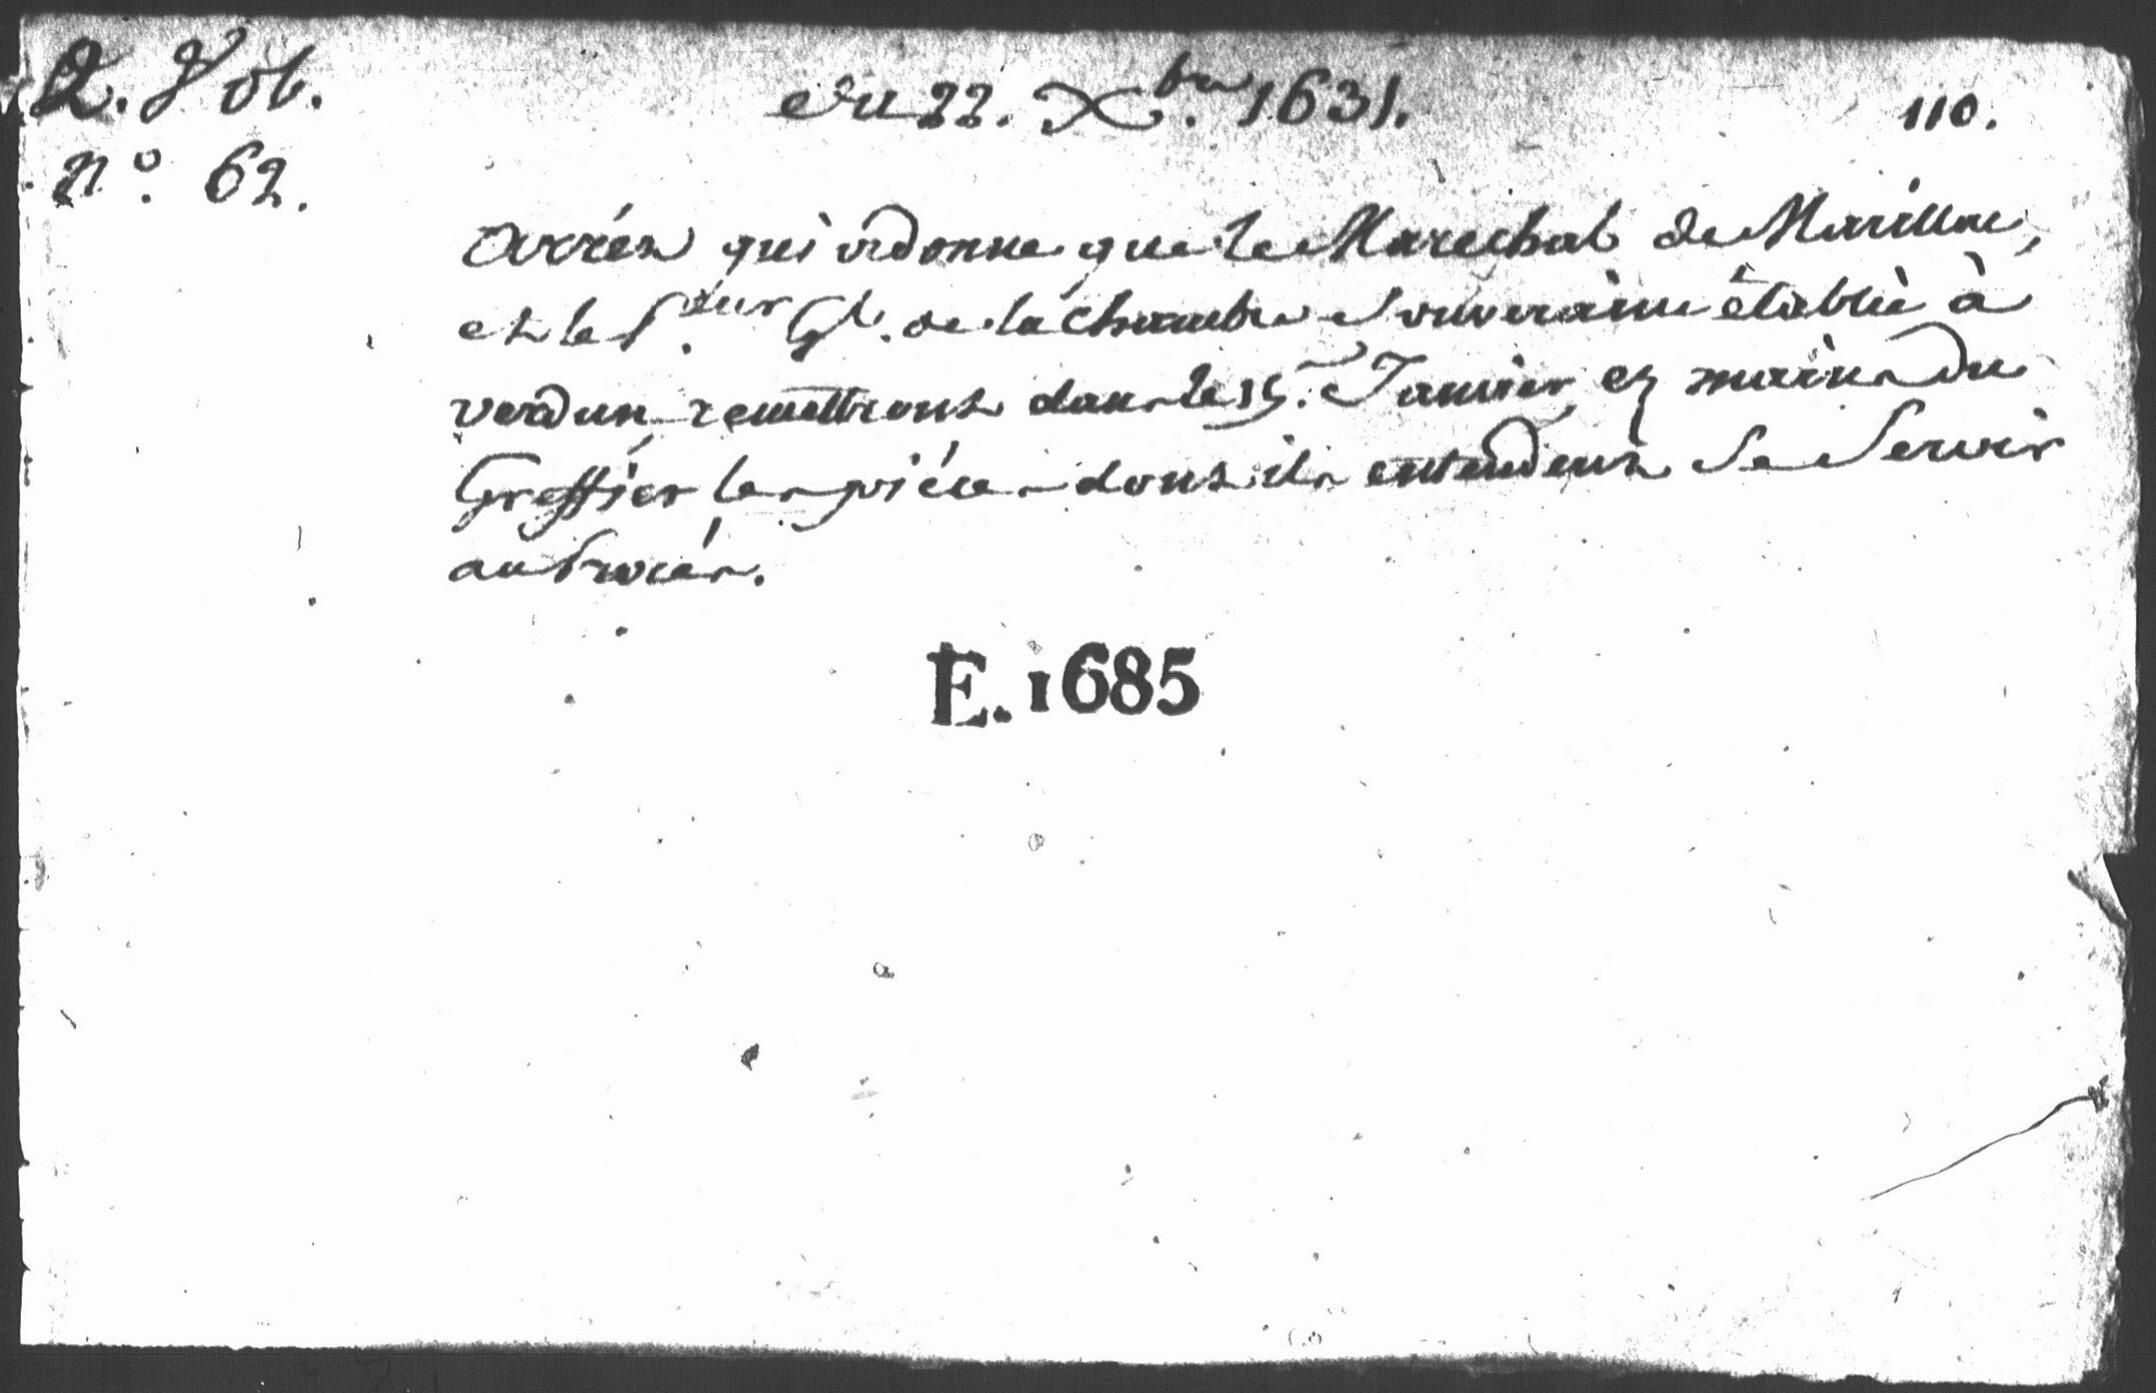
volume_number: n°62
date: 22 décembre 1631
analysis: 110
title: Arrêt qui ordonne que le Marechal de Marillac et le P.eur G.l de la chambre souveraine établie à Verdun remettront dans le 15.e janvier ez mains du greffier les pièces dont ils entendent se servir au procès.
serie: E
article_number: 1685
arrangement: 2. vol.
